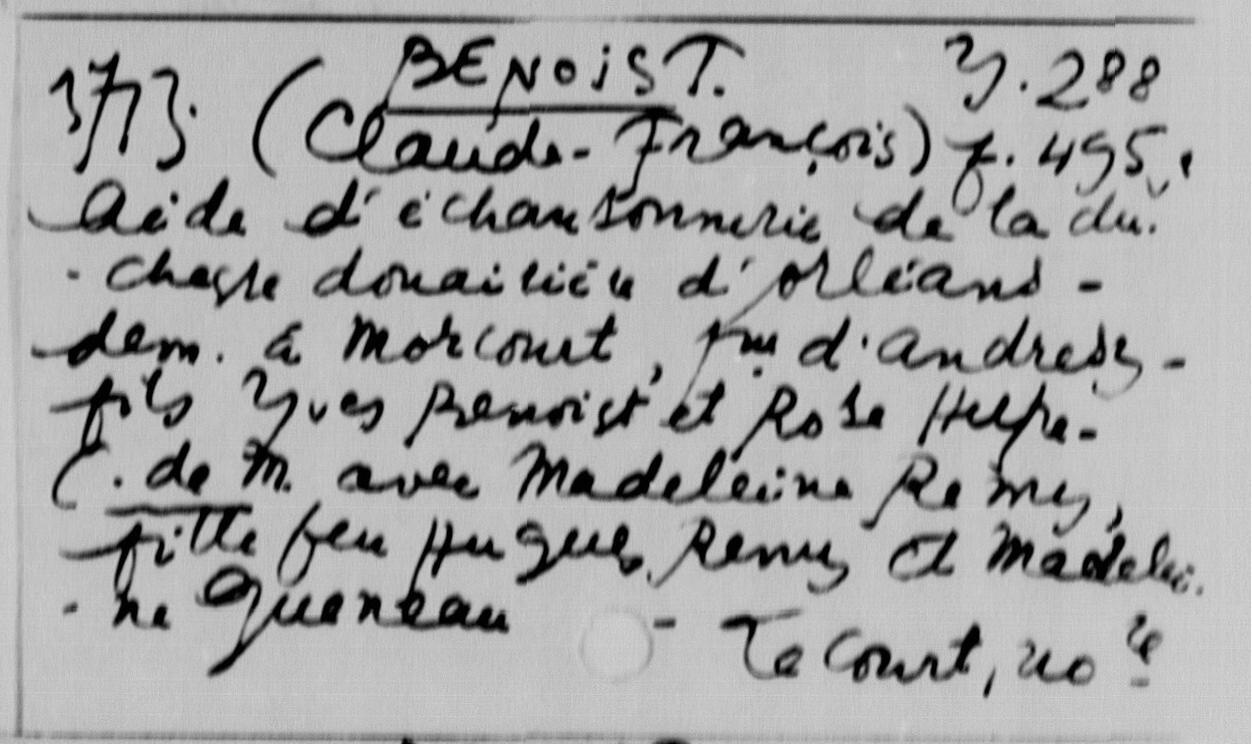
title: BENOIST (Claude-François)
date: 1713
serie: Y
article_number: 288
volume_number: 495v
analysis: Aide d'échansonnerie de la duchesse douairière d'Orléans. Demeurant à Morcourt, paroisse d'Andresy, fils Yves Benoist et Rose Hupe. Contrat de mariage avec Madeleine Remy, fille feu Hugues Remy et Madeleine Gueneau. Lecourt, notaire.
